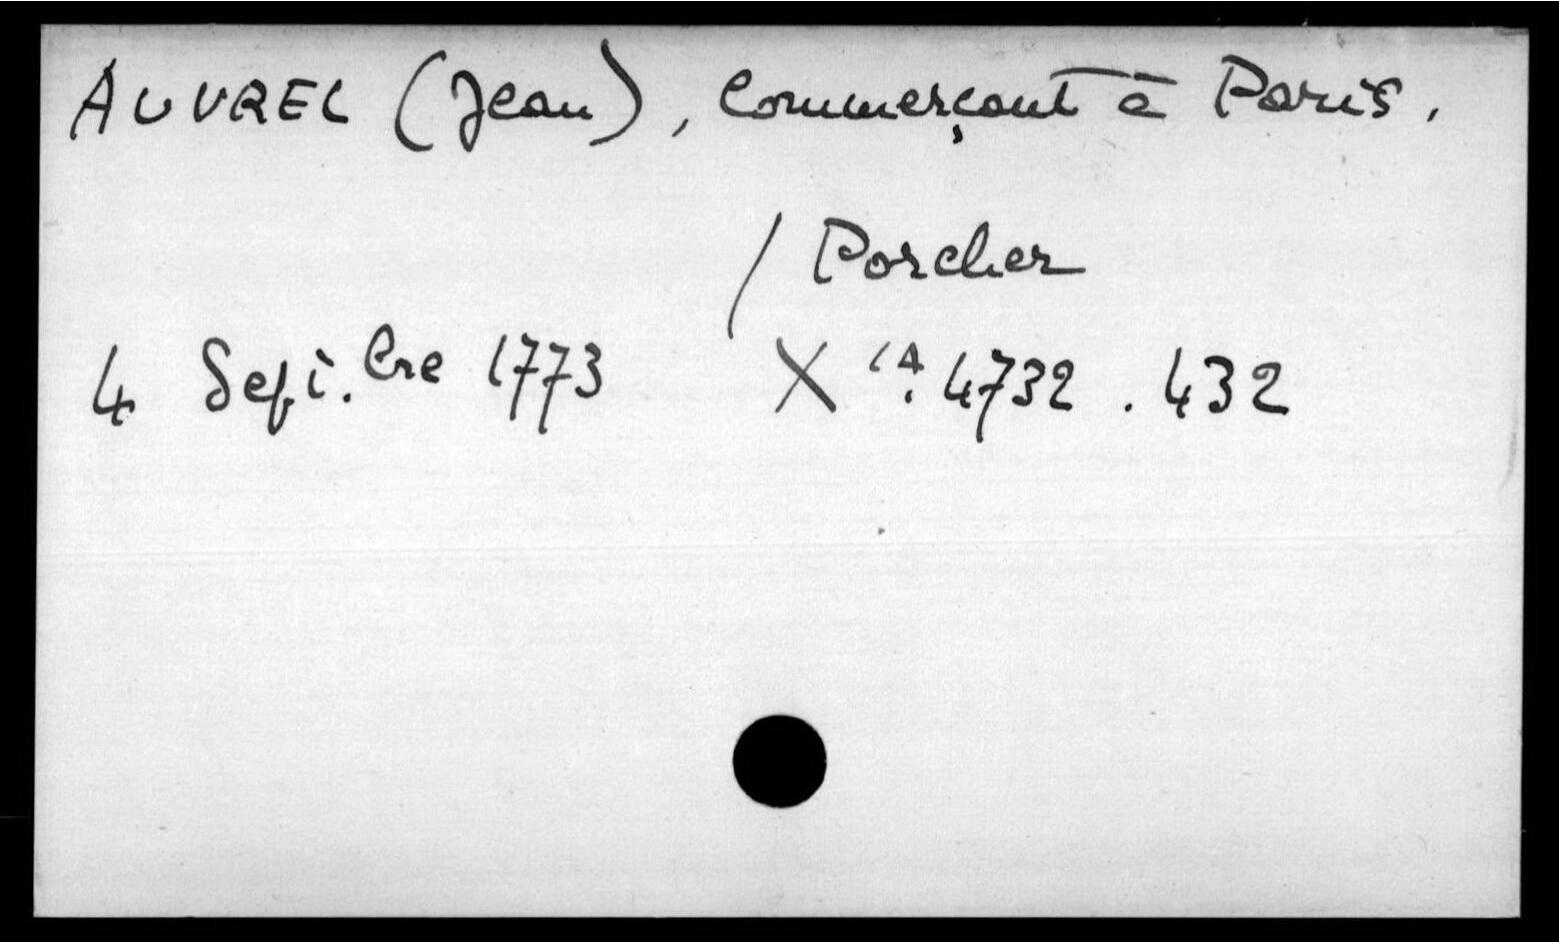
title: AUVREL (Jean), commerçant à Paris.
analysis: Contre Porcher
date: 4 septembre 1773
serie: X1A
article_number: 4732
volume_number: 432
